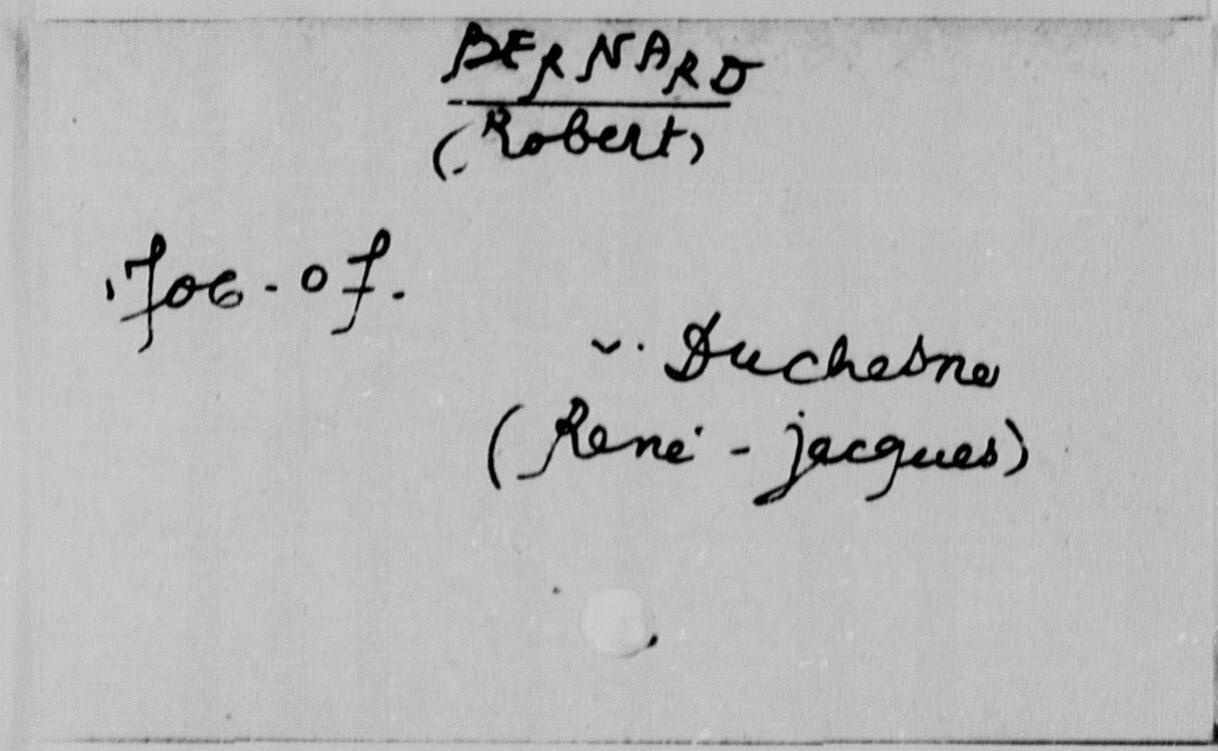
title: BERNARD (Robert)
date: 1706-1707
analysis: Voir Duchesne (René-Jacques)
